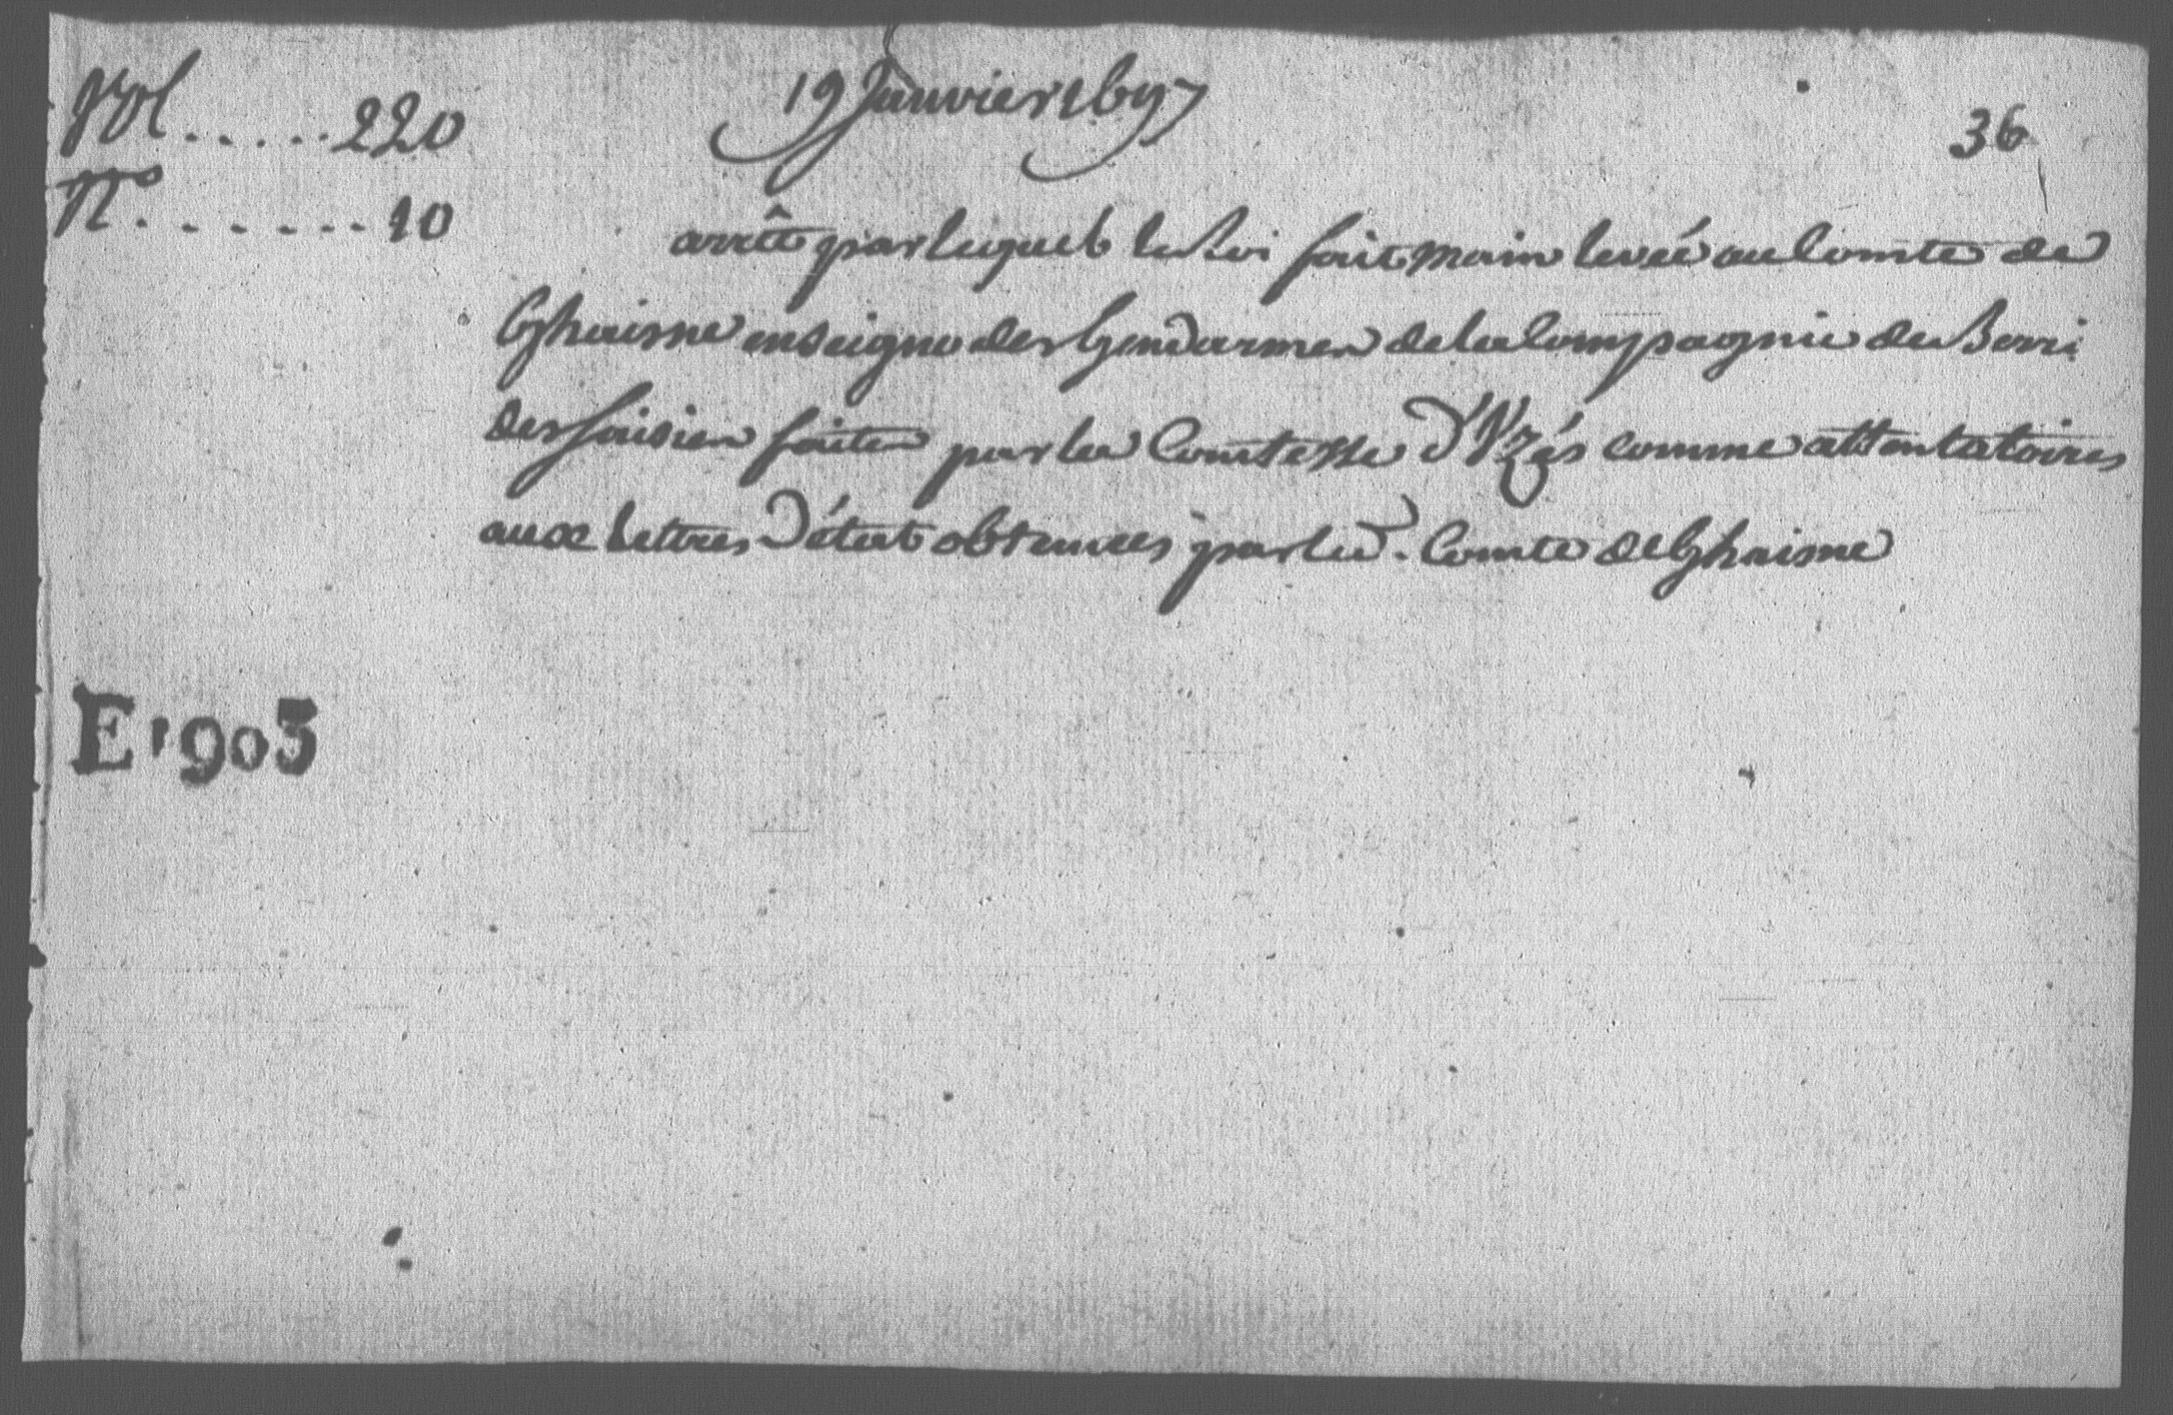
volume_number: n°10
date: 19 janvier 1697
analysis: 36
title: arrêt par lequel le Roi fait main levée au Comte de Ghaisne enseigne des Gendarmes de la Compagnie du Berri des saisies faites par la comtesse d'Uzès comme attentatoires aux lettres d'état obtenues par led. Comte de Ghaisne
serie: E
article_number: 1903
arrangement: vol. 220
